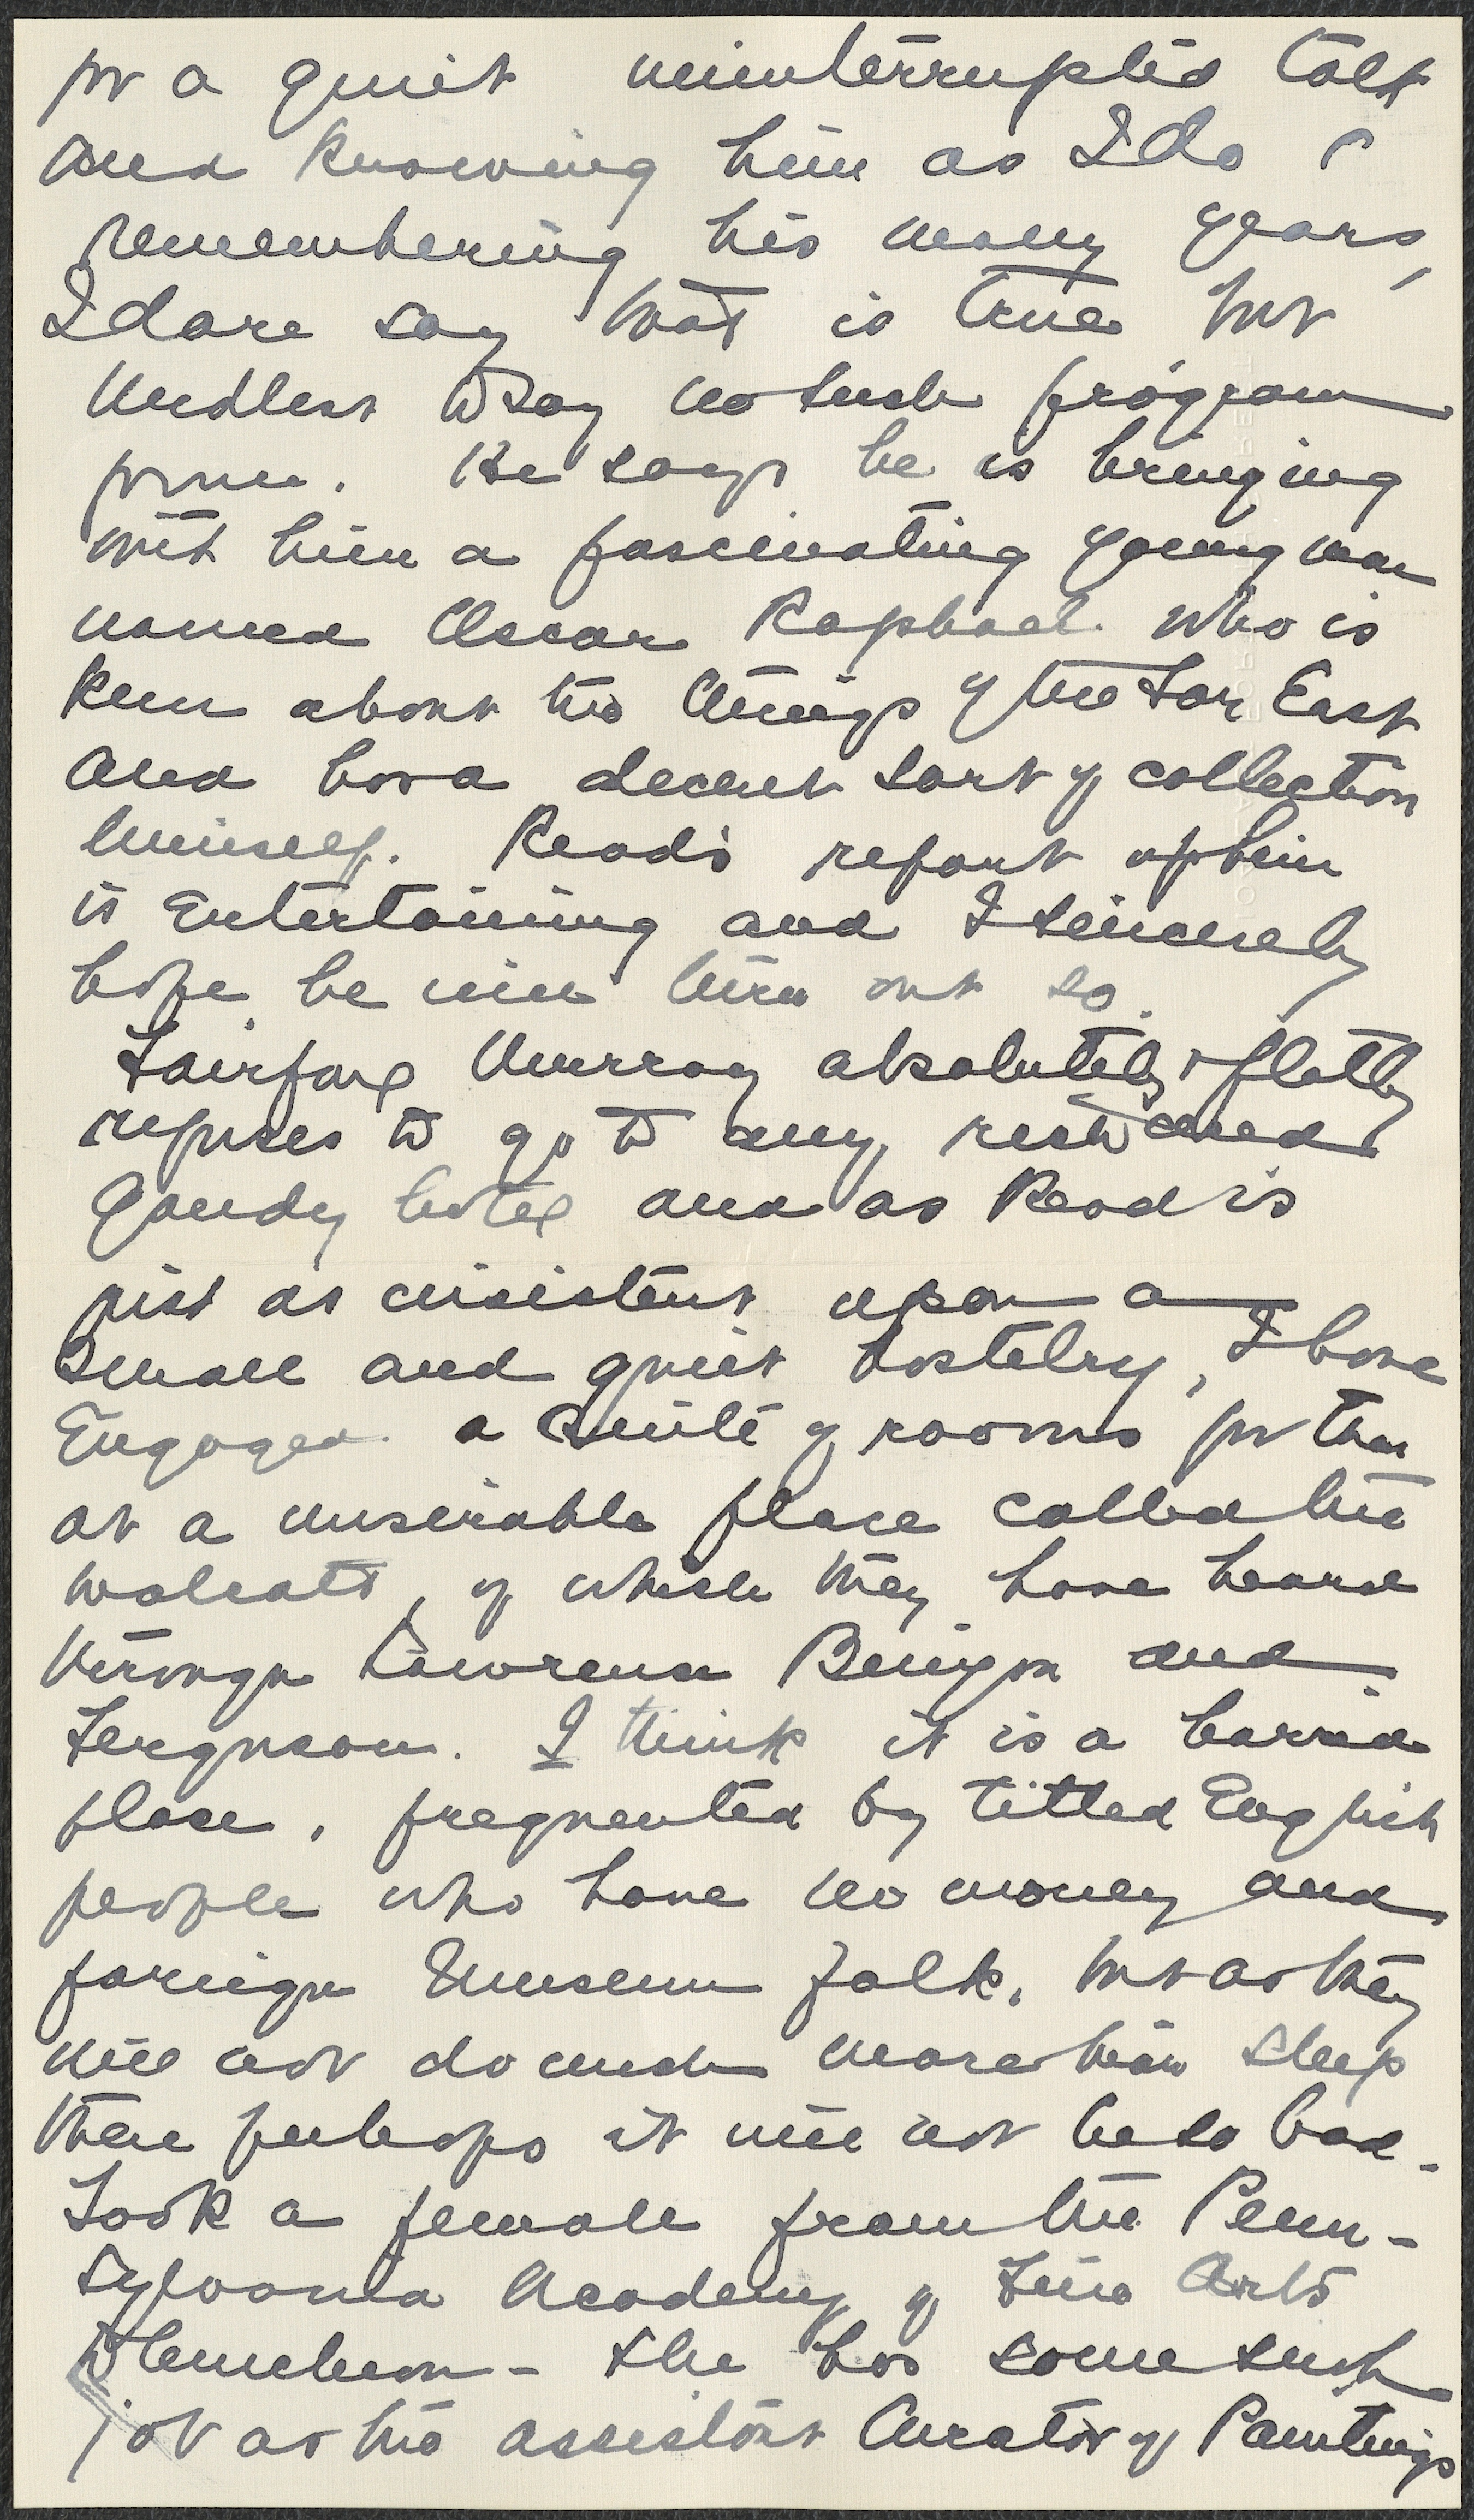for a quiet uninterrupted talk and knowing him as I do & remembering his many years, I dare say that is true but needless to say no such program for me. He says he is bringing with him a fascinating young man named Oscar Raphael who is keen about two things of the Far East and has a decent sort of collection himself. Read’s report of him is entertaining and I sincerely hope he will turn out so.
Fairfax Murray absolutely & flatly refuses to go to any rich and gaudy hotel and as Read is just as insistent upon a small and quiet hostelry, I have engaged a suite of rooms for them at a miserable place called the Wolcott of which they have heard through Lawrence [sic] Binyon and Ferguson. I think it is a horrid place, frequented by titled English people who have no money and foreign museum folk, but as they will not do much more than sleep there perhaps it will not be so bad – Took a female from the Pennsylvania Academy of Fine Arts to luncheon – she has some such job as the assistant Curator of Paintings